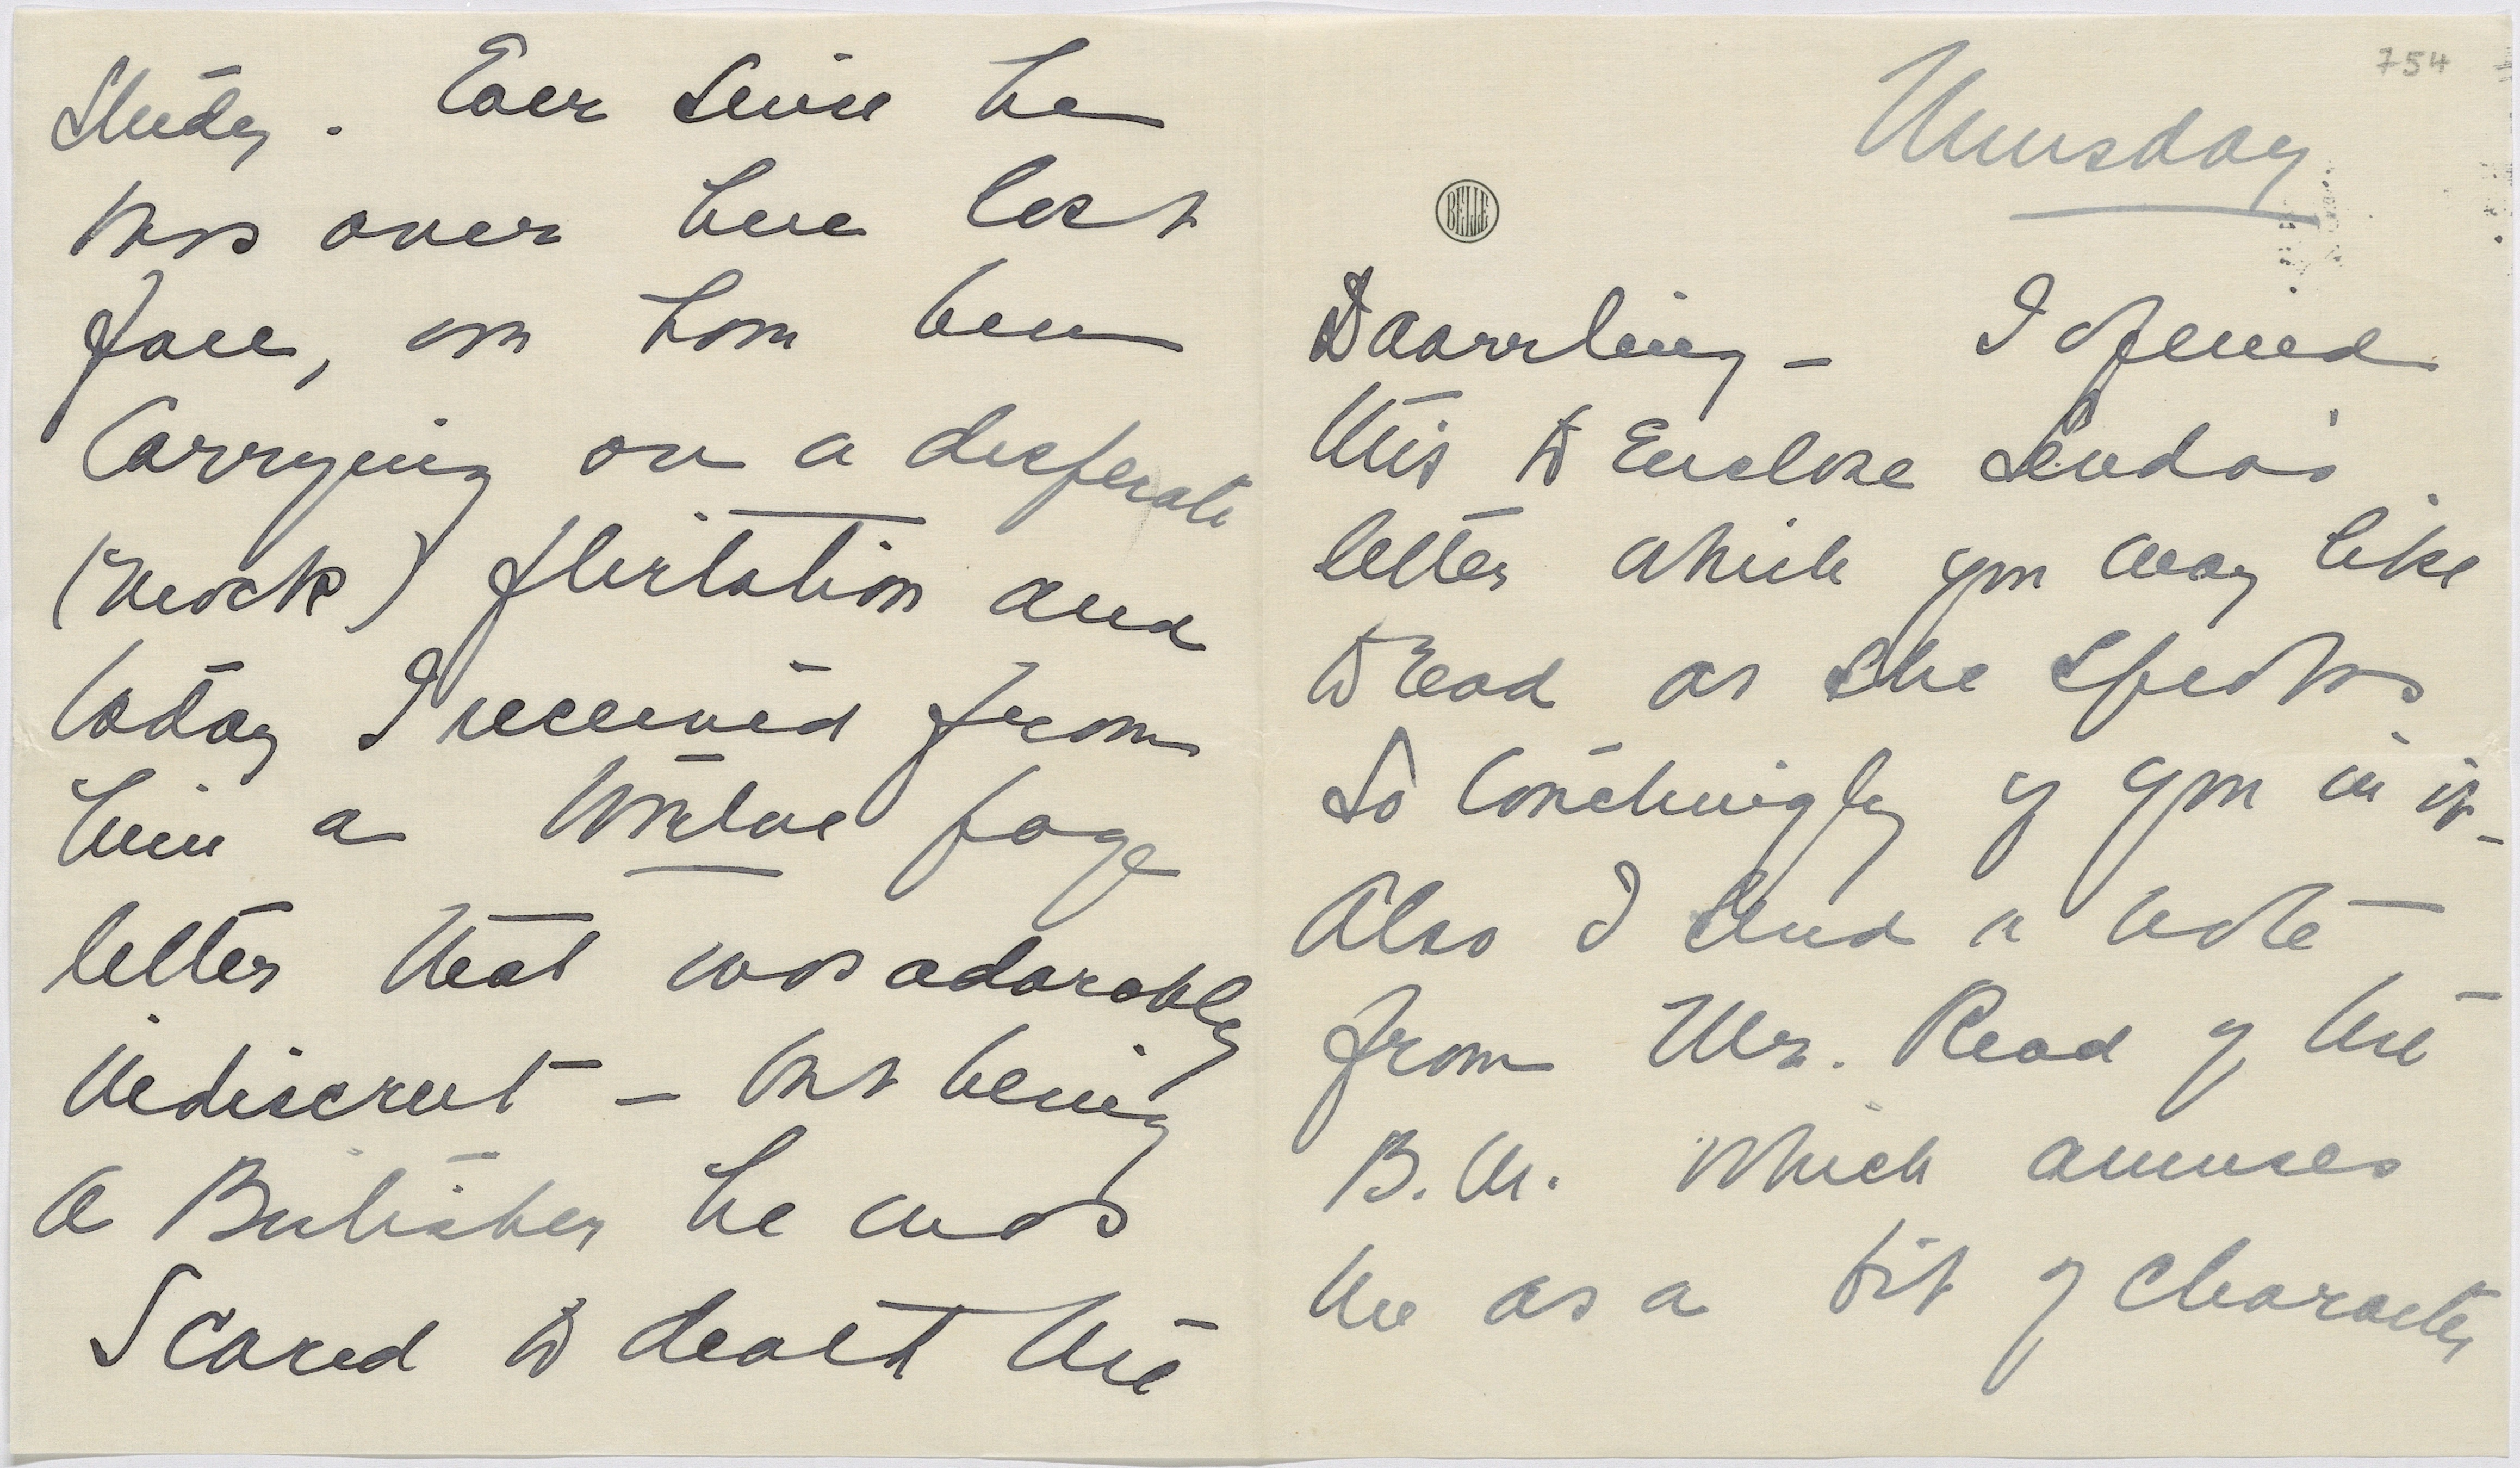Thursday
Daarrling – I opened this to enclose Senda’s letter which you may like to read as she speaks so touchingly of you in it – Also I send a note from Mr. Read of the B. M. which amuses me as a bit of character
study. Ever since he was over here last fall, we have been carrying on a desperate (mock) flirtation and today I received from him a twelve page letter that was adorably indiscreet – but being a Britisher he was scared to death the